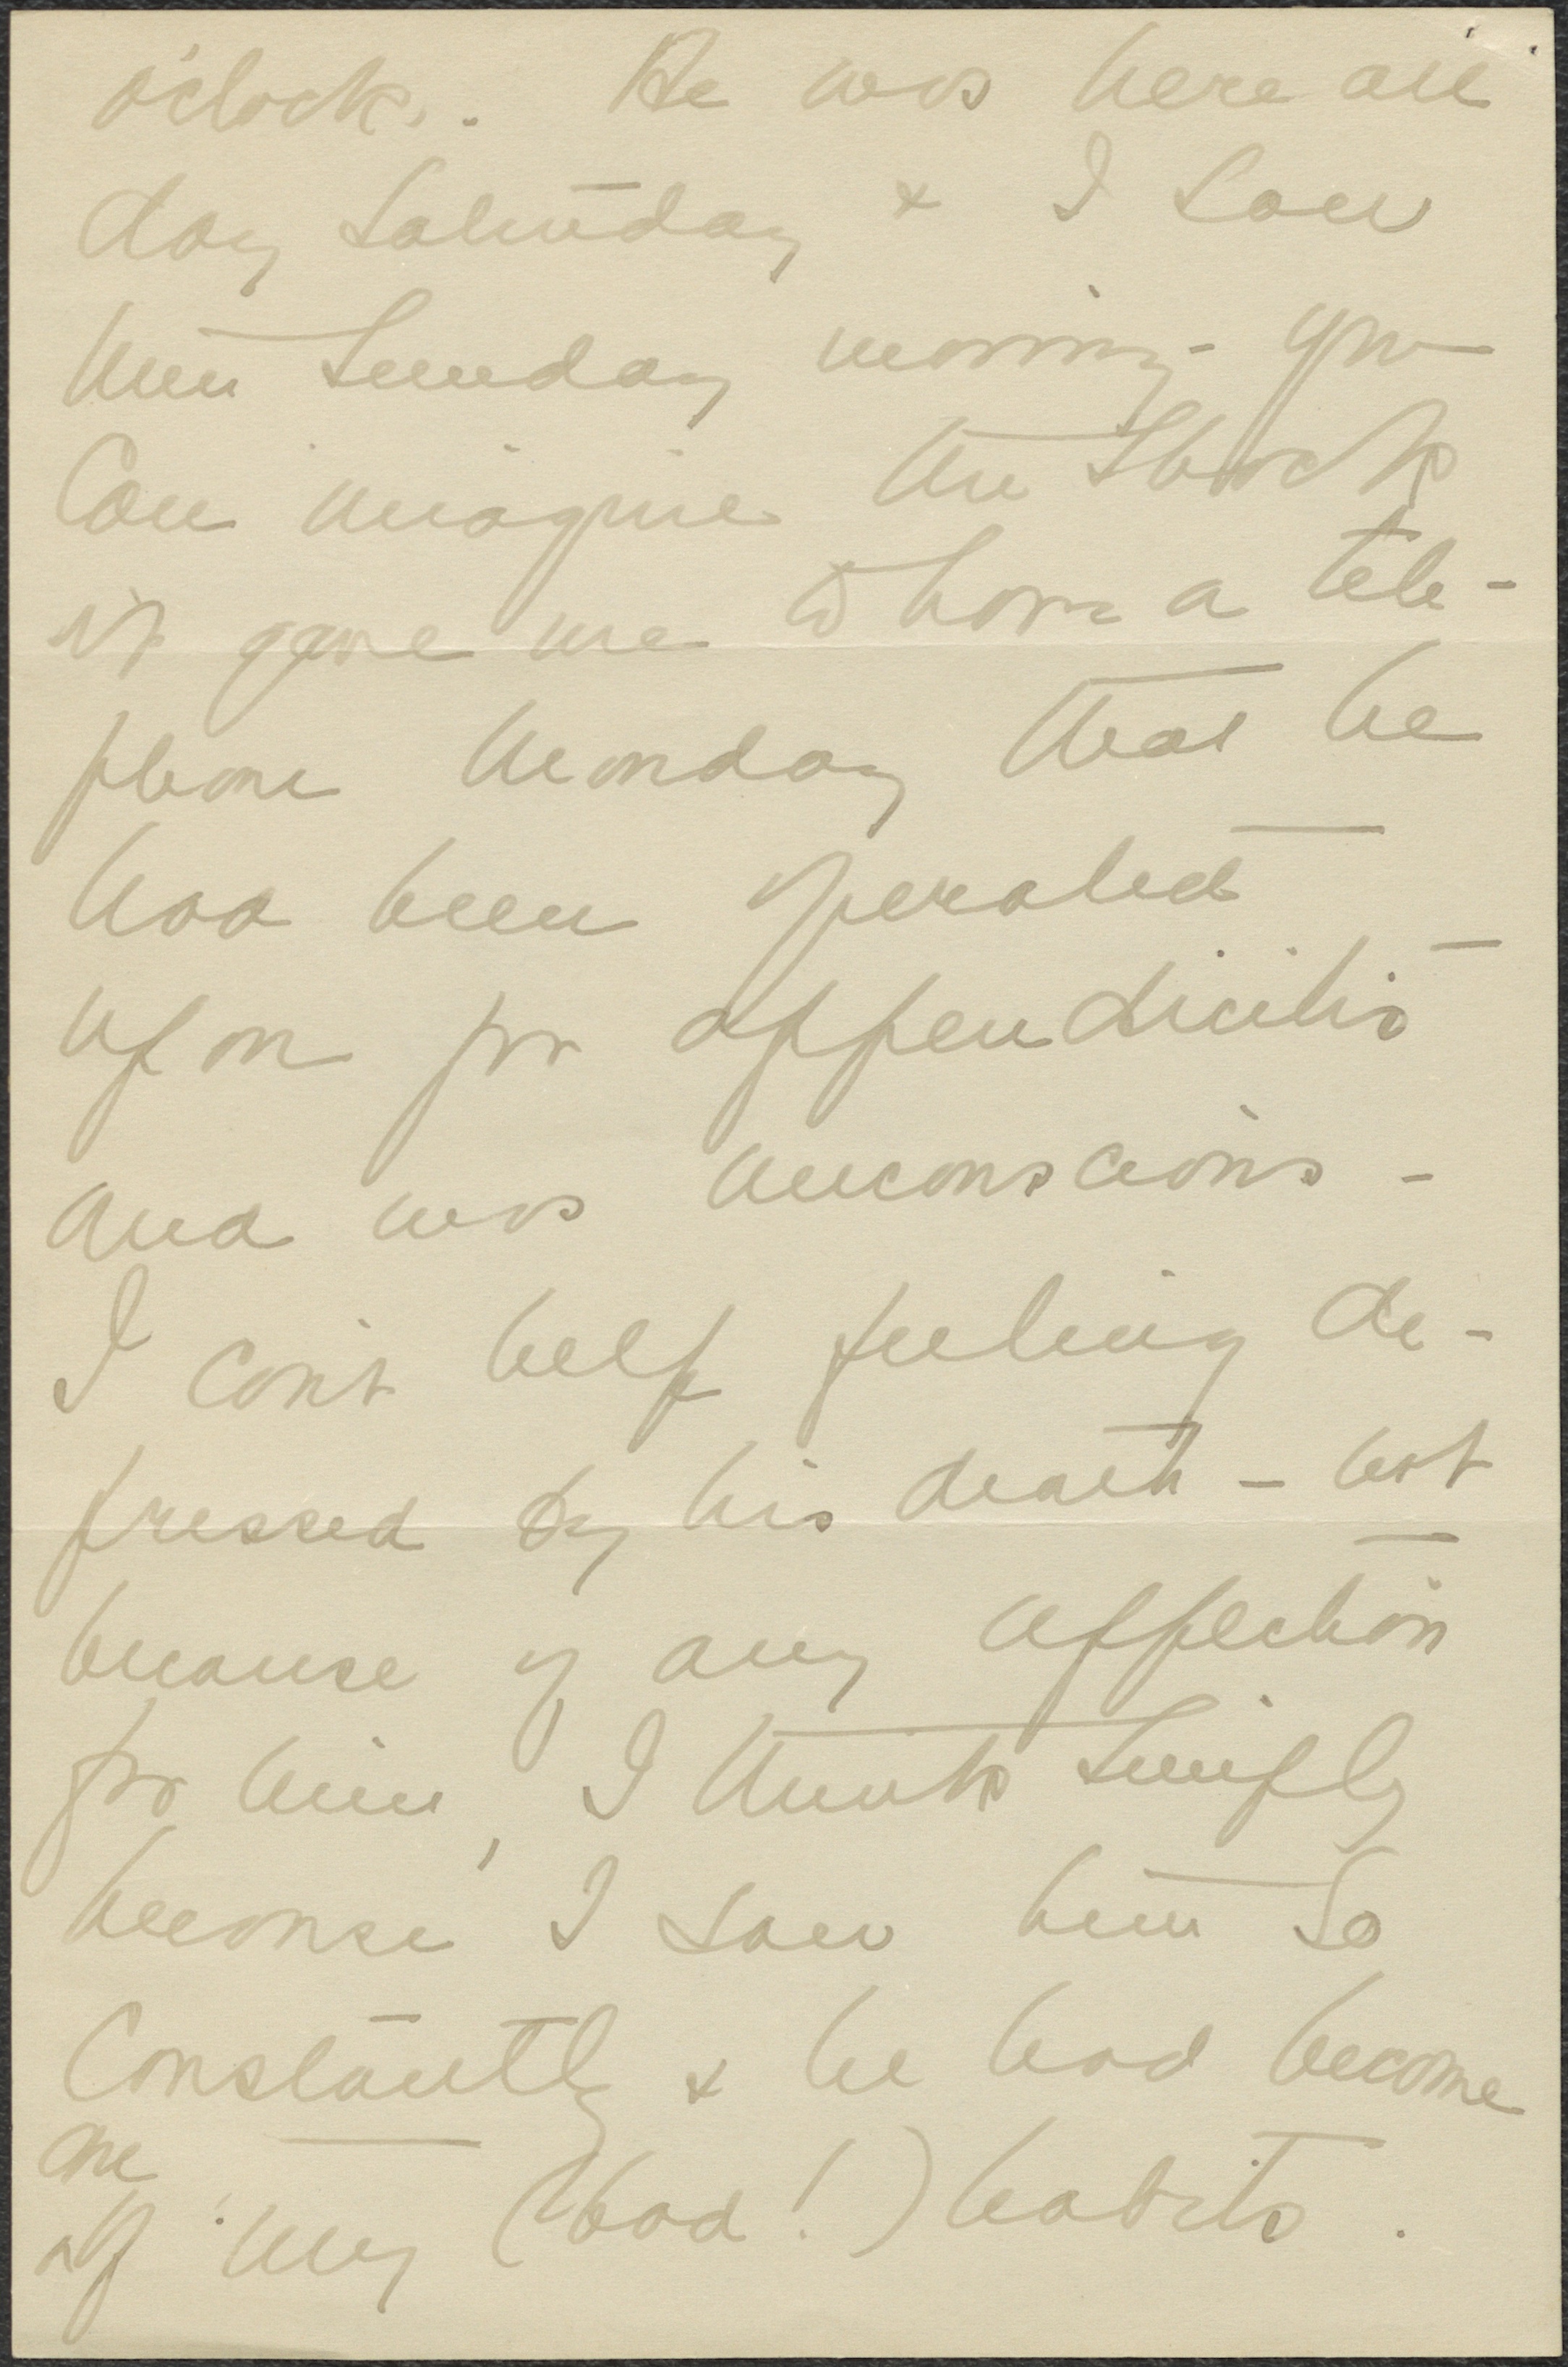o’clock – He was here all day Saturday & I saw him Sunday morning – you can imagine the shock it gave me to have a telephone Monday that he had been operated upon for appendicitis and was unconscious – I can’t help feeling depressed by his death – not because of any affection for him, I think simply because I saw him so constantly & he had become [^one^] of my (bad!) habits.